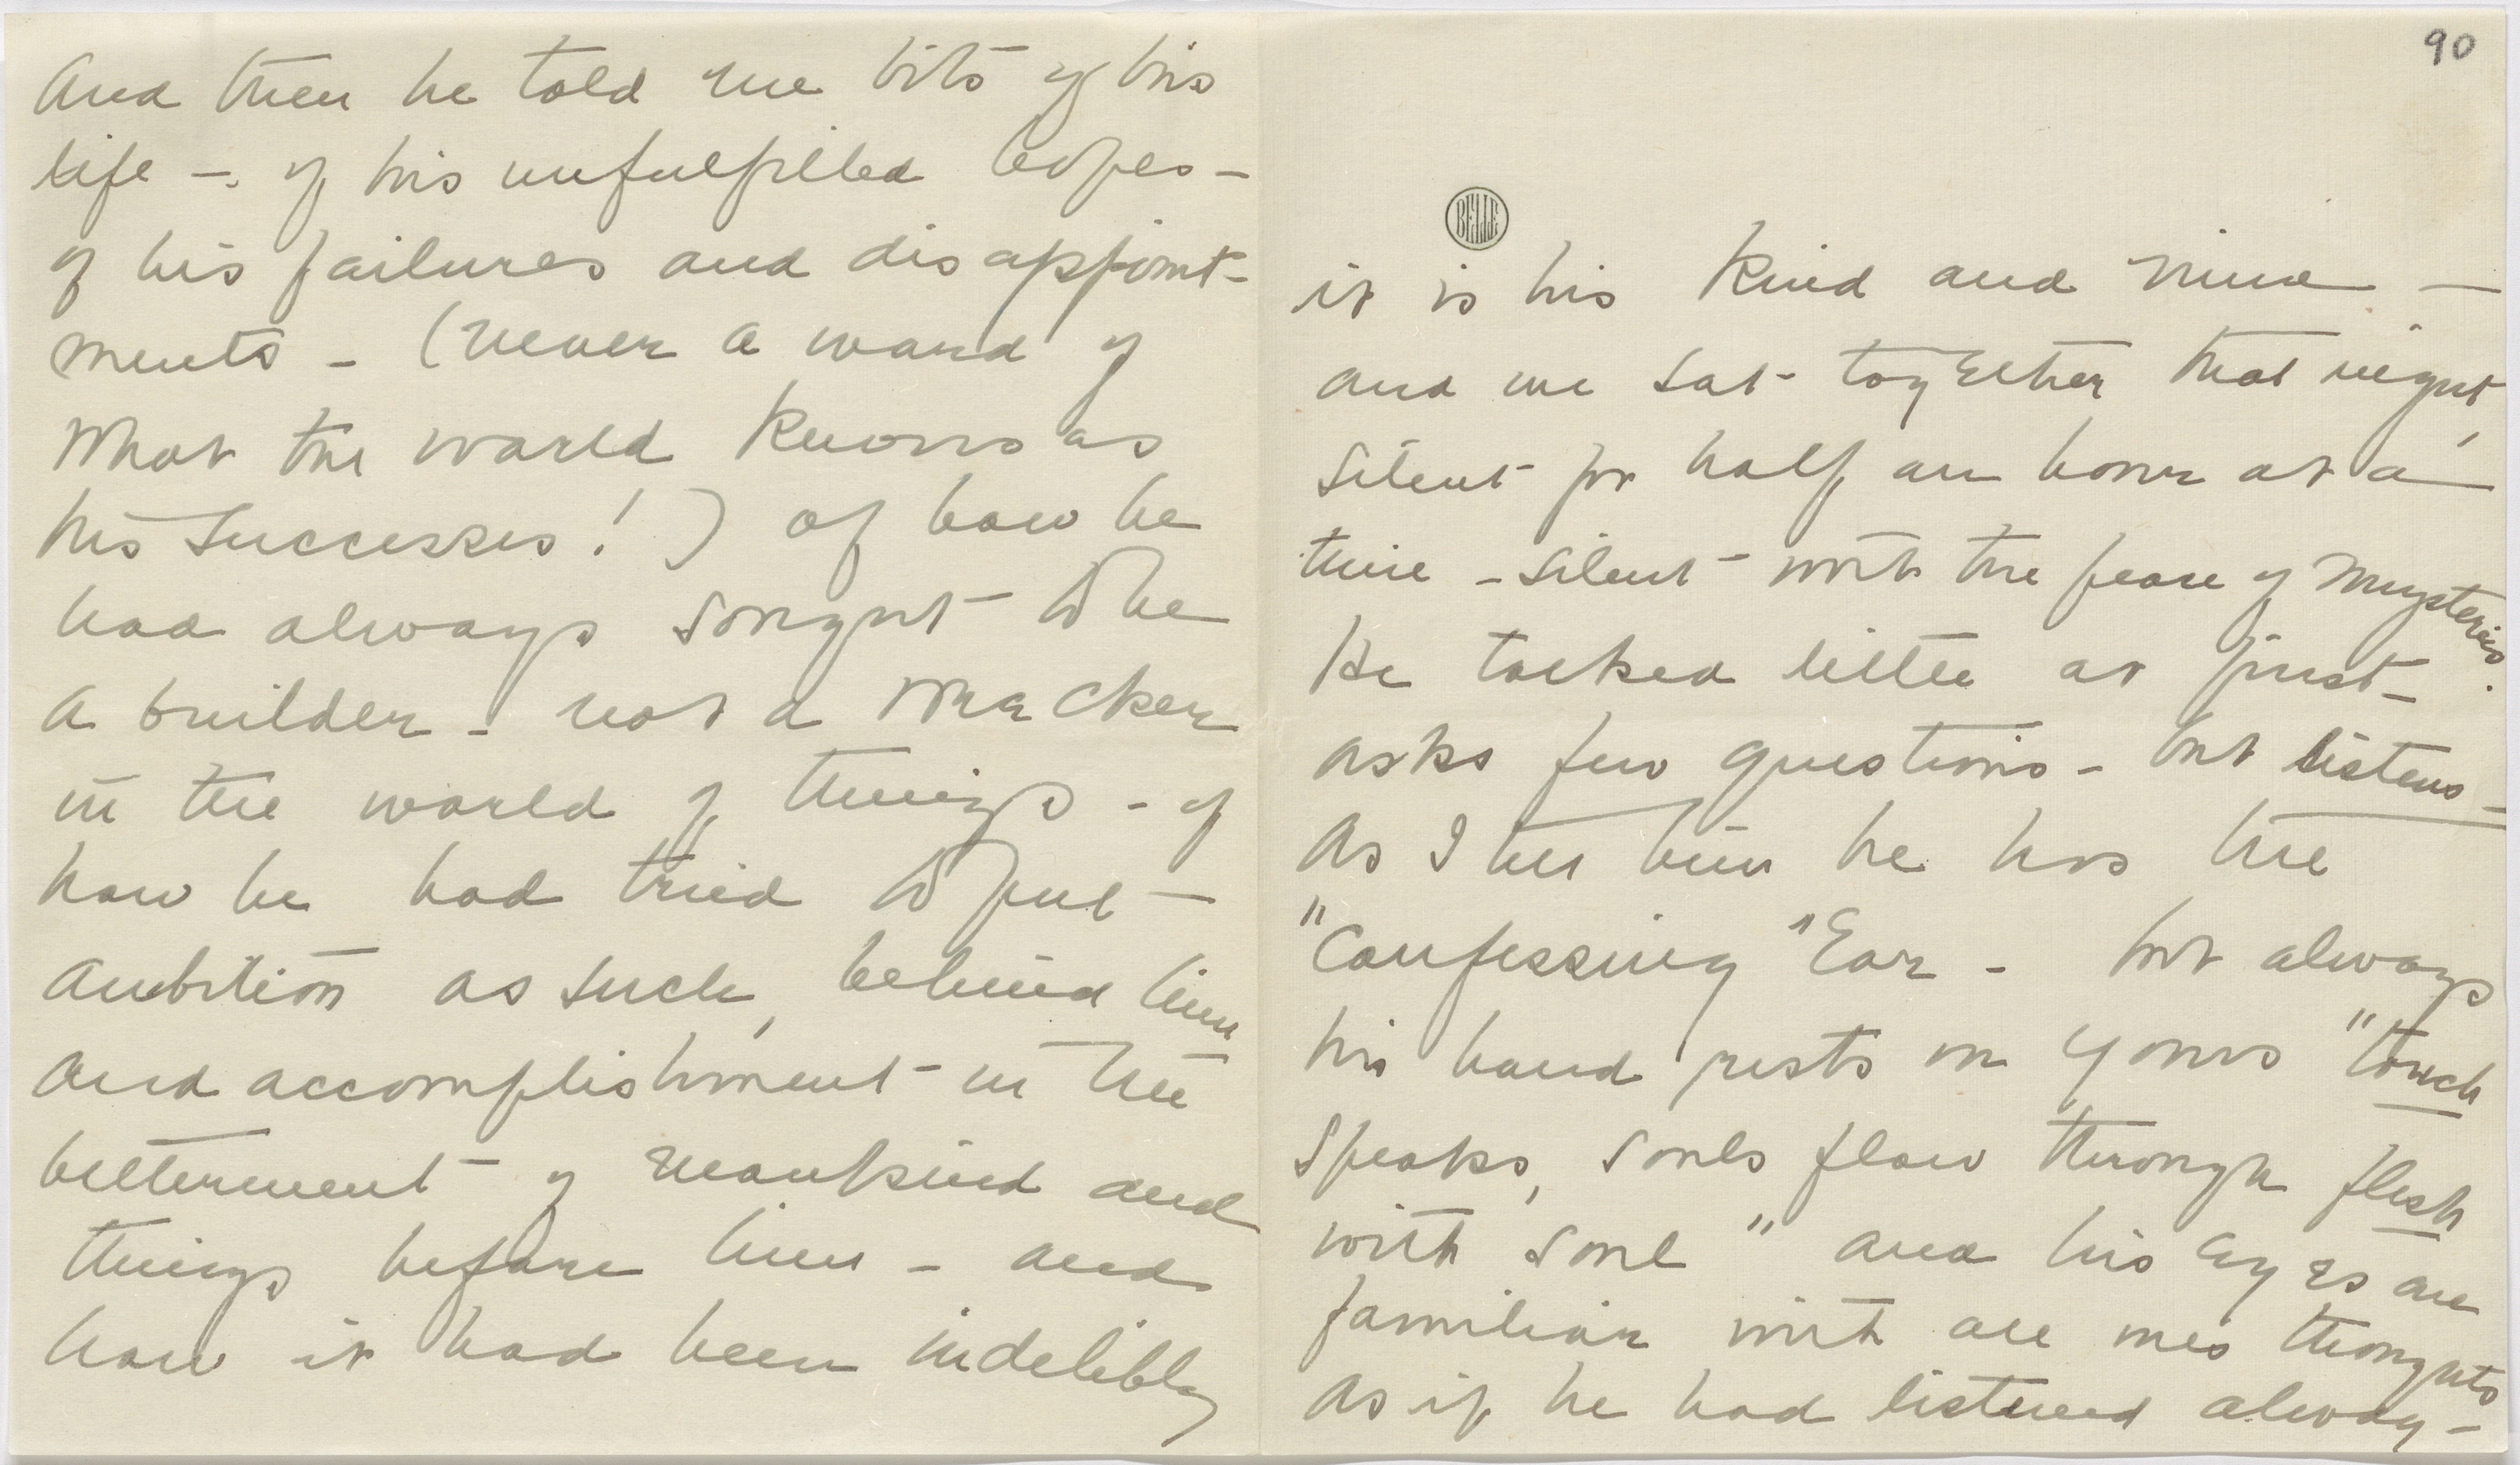it is his kind and mine – and we sat together that night, silent for half an hour at a time – silent – with the fear of mysteries. He talked little at first – asks few questions – but listens – as I tell him he has the “confessing” Ear – but always his hand rests on yours “touch speaks, souls flow through flesh with soul” and his eyes are familiar with all one’s thoughts as if he had listened alway [sic] –
and then he told me bits of his life – of his unfulfilled hopes – of his failures and disappointments – (never a word of what the world knows as his successes!) of how he had always sought to be a builder – not a wrecker in the world of things – of how he had tried to put ambition as such, behind him and accomplishment in the betterment of mankind and things before him – and how it had been indelibly